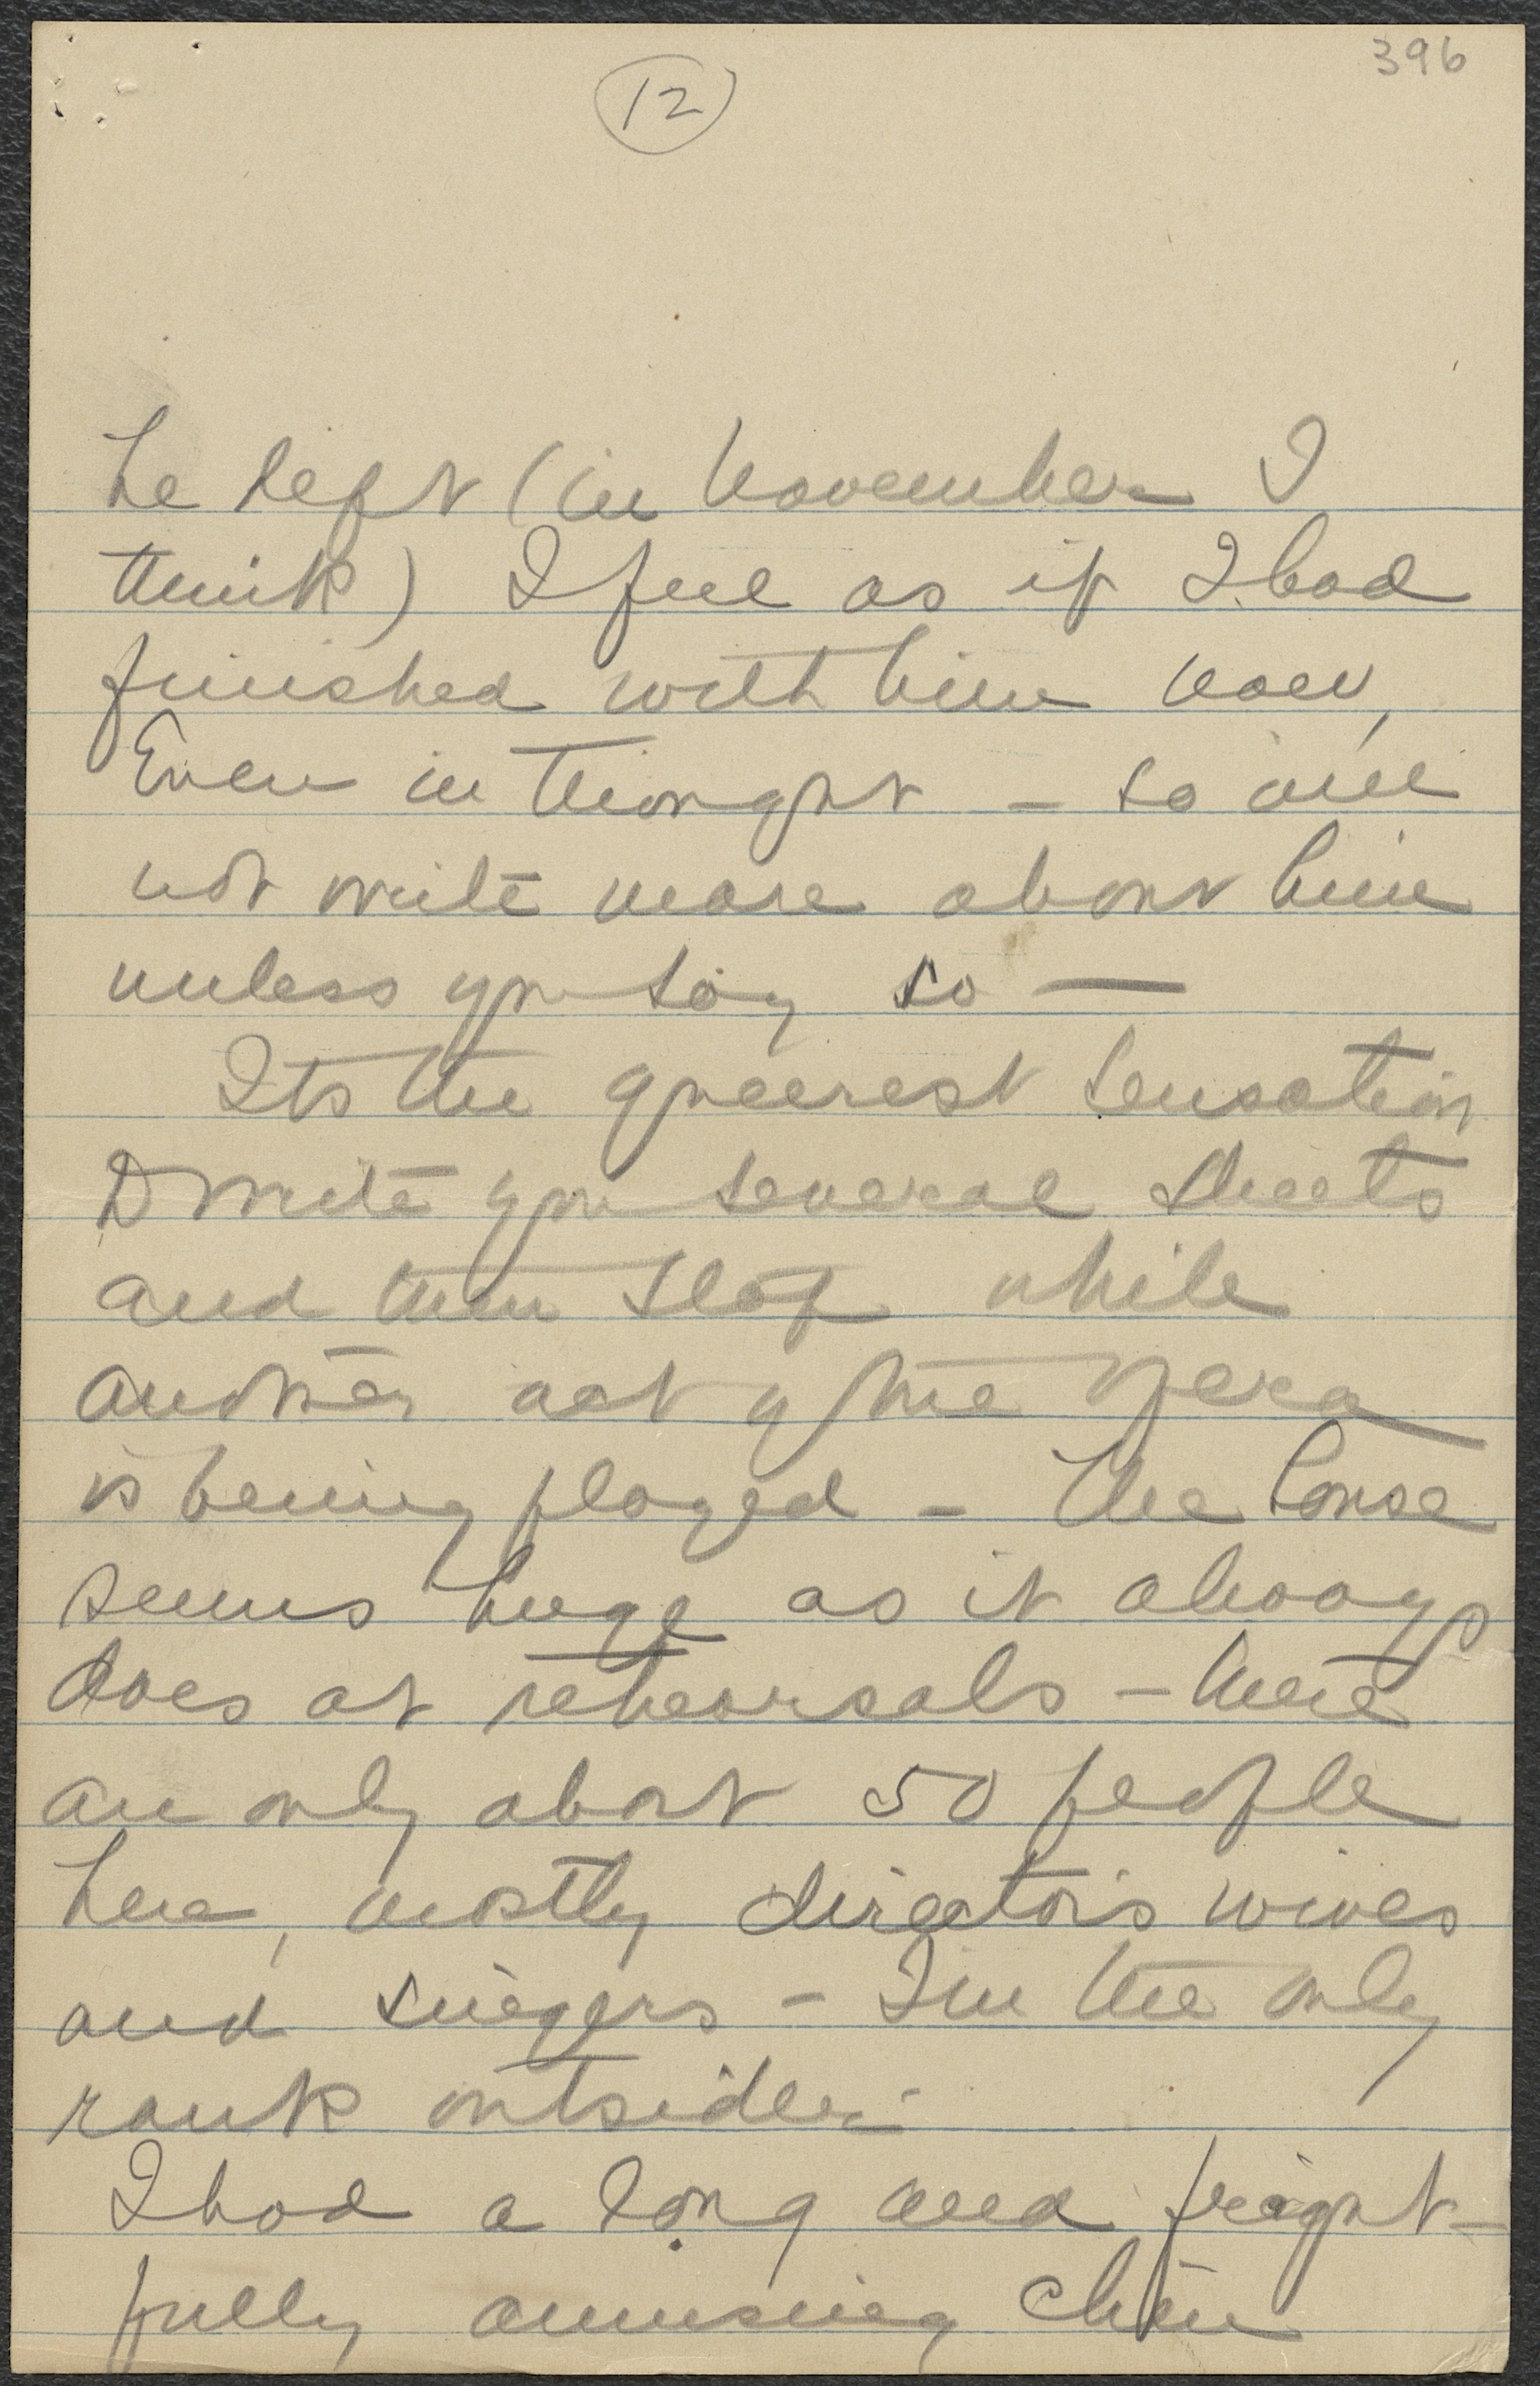he left (in November I think) I feel as if I had finished with him now, even in thought – so will not write more about him unless you say so –
Its [sic] the queerest sensation to write you several sheets and then stop while another act of the opera is being played – the house seems huge as it is always does at rehearsals – there are only about 50 people here, mostly director’s wives and singers – I’m the only rank outsider
I had a long and frightfully amusing chin